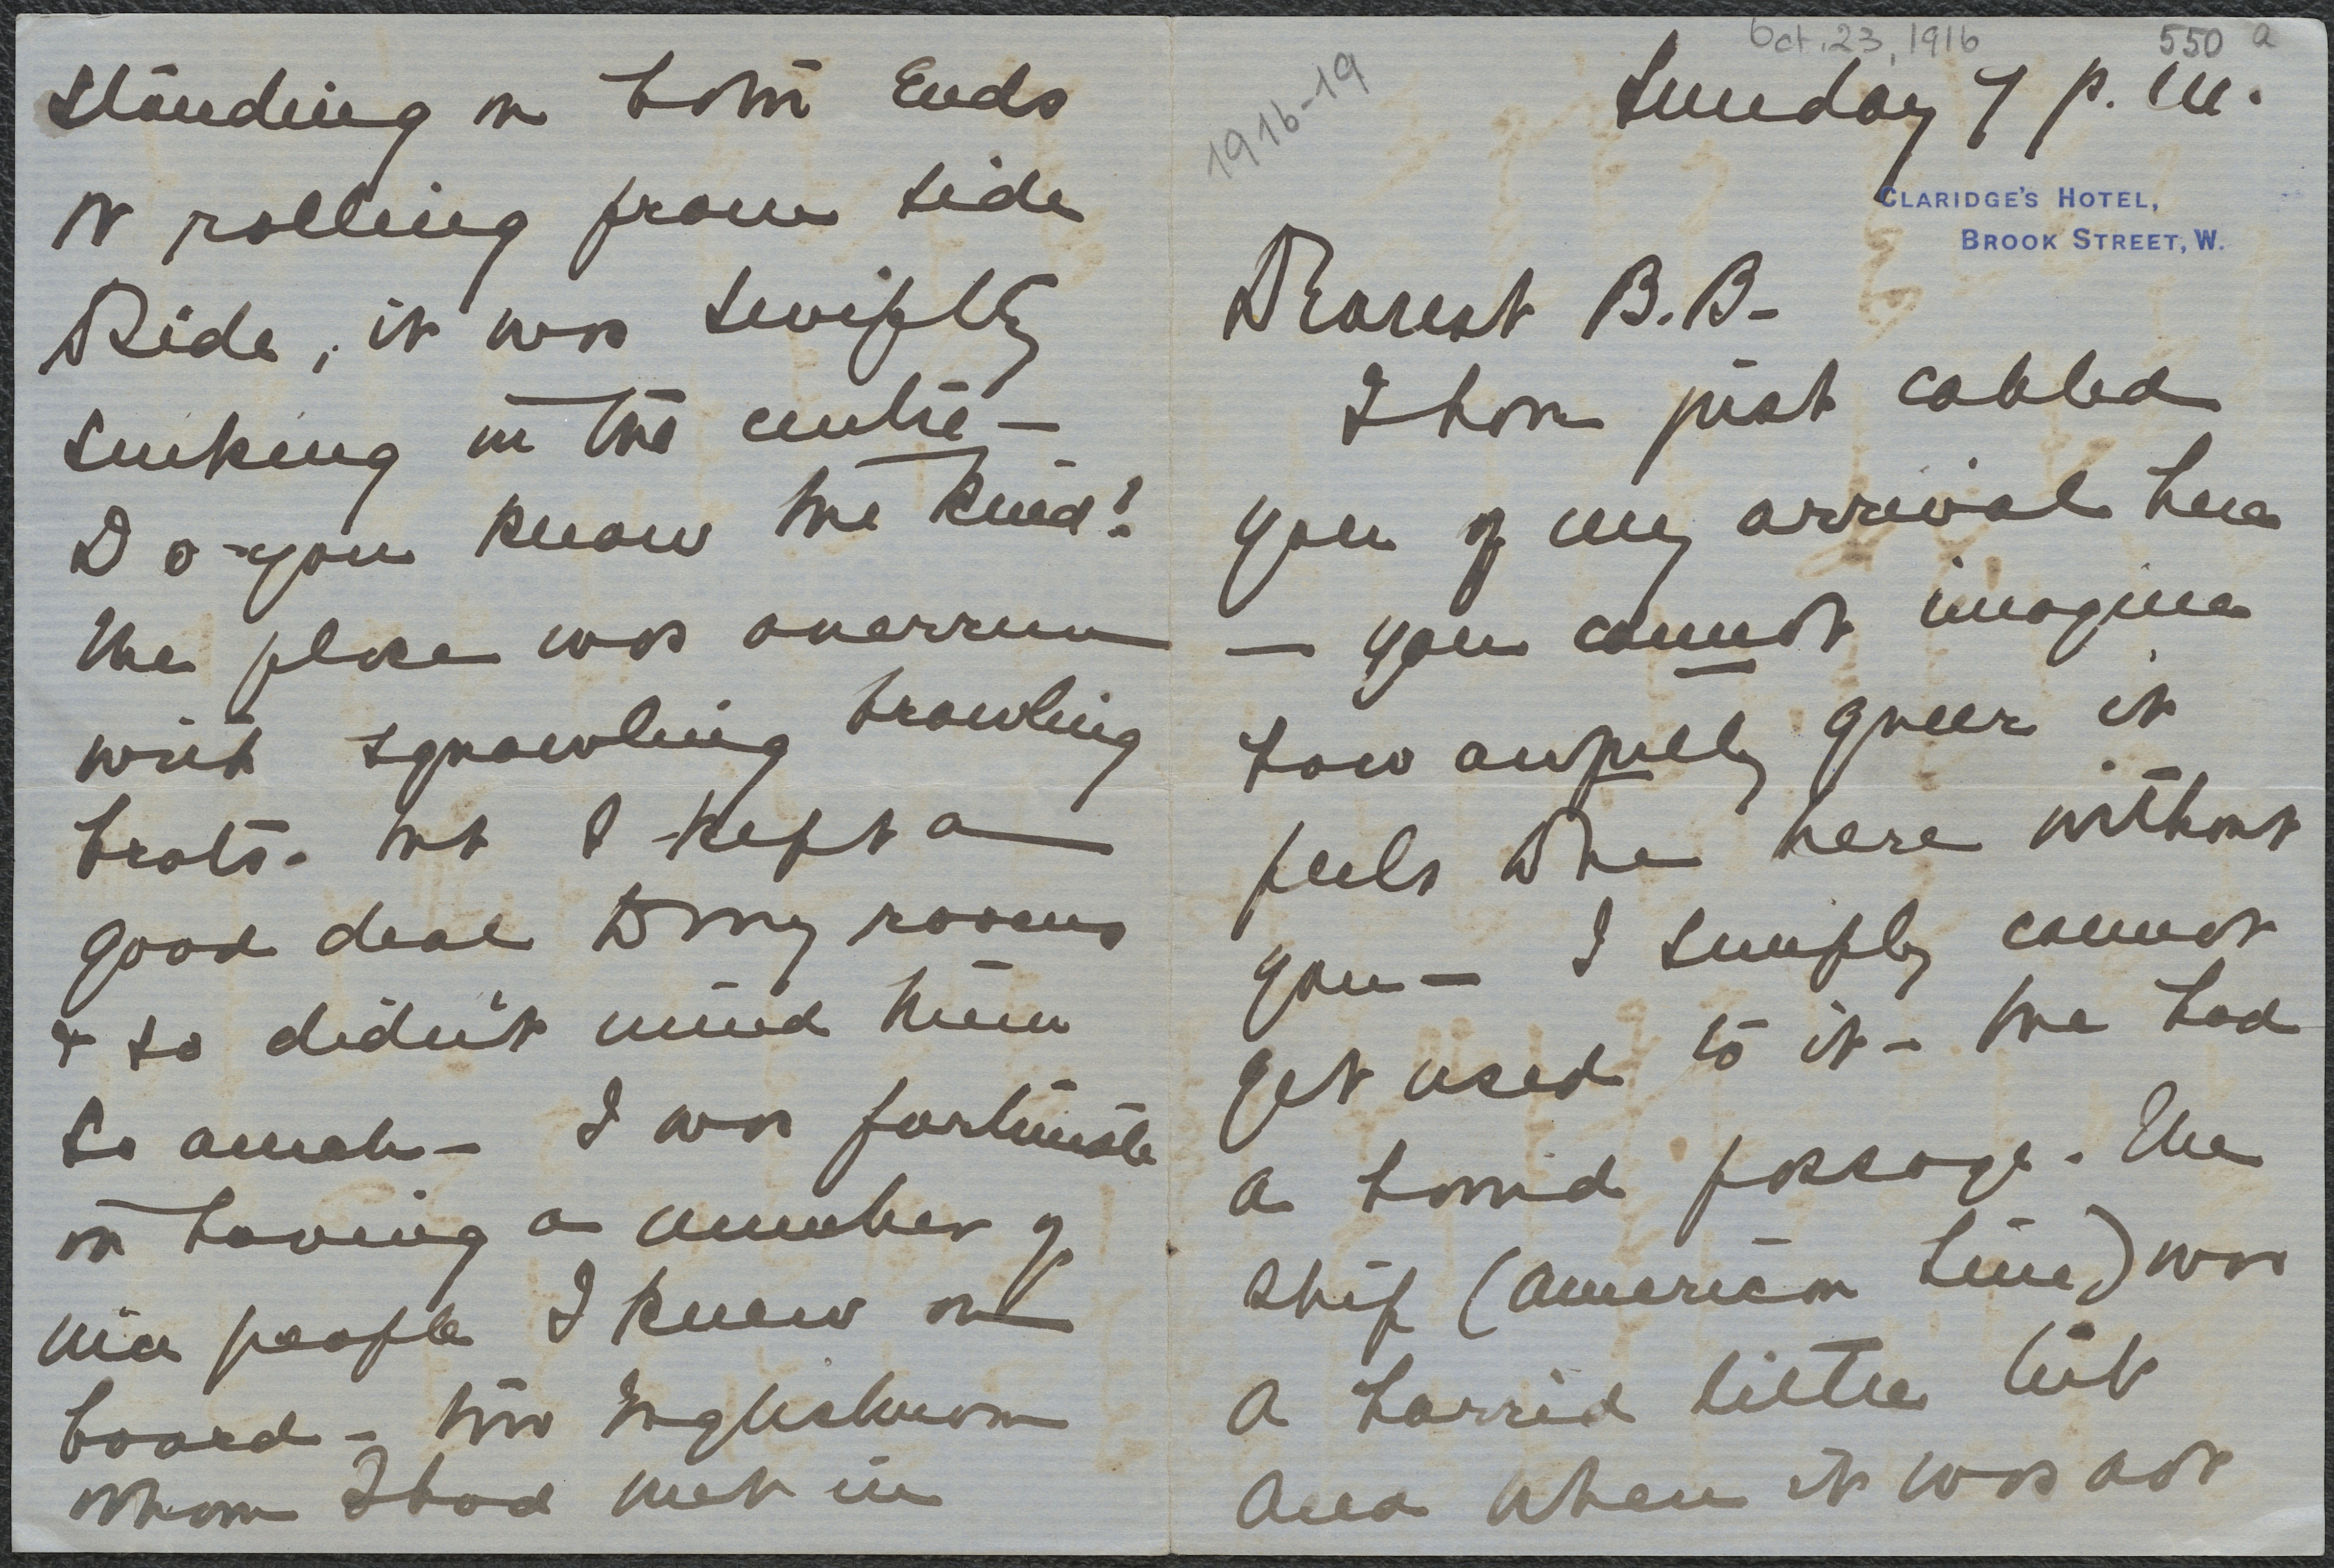Sunday, 7 p.m.
Dearest B. B –
I have just cabled you of my arrival here – you cannot imagine how awfully queer it feels to be here without you – I simply cannot get used to it – we had a horrid passage – the ship (American Line) was a horrid little tub and when it was not
standing on both ends or rolling from side to side, it was swiftly sinking in the centre – Do you know the kind? The place was overrun with squawling brawling brats – but I kept a good deal to my rooms & so didn’t mind him so much – I was fortunate on having a number of nice people I knew on board – the Englishman whom I had met in